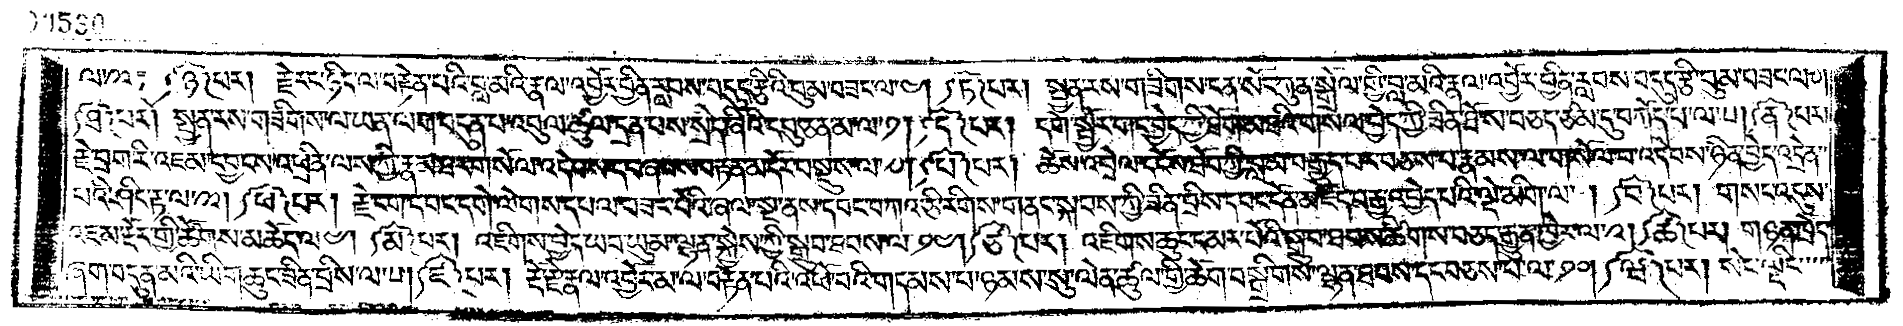ལ ༣ ༼ཉ༽ པར། རྗེ་རང་ཉིད་ལ་བརྟེན་པའི་བླ་མའི་རྣལ་འབྱོར་བྱིན་རླབས་བདུད་རྩིའི་བུམ་བཟང་ལ ༤། ༼ཏ༽ པར། སྤྱན་རས་གཟིགས་ངན་སོང་ཀུན་སྒྲོལ་གྱི་བླ་མའི་རྣལ་འབྱོར་བྱིན་རླབས་བདུད་རྩི་བུམ་བཟང་ལ ༧
༼ཐ༽ པར། སྤྱན་རས་གཟིགས་ལ་ཡན་ལག་བདུན་པ་འབུལ་ཚུལ་དྲན་པས་སྲིད་ཞིའི་དབུ་ཅན་མ་ལ ༡། ༼ད༽ པར། དགེ་སྦྱོར་གང་བྱེད་ཀྱི་ཐོག་མཐའི་གསལ་བྱེད་ཀྱི་ཟིན་ཐོ་ས་བཅད་ཙམ་དུ་བཀོད་པ་ལ ༥། ༼ན༽ པར།
རྗེ་བྲག་རི་འཇམ་དབྱངས་འཕྲིན་ལས་ཀྱི་རྣམ་ཐར་གསོལ་འདེབས་དང་ཞབས་བརྟན་མདོར་བསྡུས་ལ ༦། ༼པ༽ པར། ཆོས་འབྲེལ་དངོས་ཐོབ་ཀྱི་བླ་མ་བརྒྱུད་པར་བཅས་པ་རྣམས་ལ་གསོལ་བ་འདེབས་ཉིན་བྱེད་འདྲེན་
པའི་ཤིང་རྟ་ལ ༣། ༼ཕ༽ པར། རྗེ་ངག་དབང་དགེ་ལེགས་དཔལ་བཟང་པོའི་ཞལ་སྔ་ནས་དབང་བཀའ་ཅི་རིགས་གནང་སྐབས་ཀྱི་ཟིན་བྲིས་དབང་དོན་མཛོད་བརྒྱ་འབྱེད་པའི་ལྡེ་མིག་ལ་།༼བ༽ པར། གསང་འདུས་
འཇམ་རྡོར་གྱི་ཚོགས་མཆོད་ལ ༤། ༼མ༽ པར། འཇིགས་བྱེད་ཡབ་ཡུམ་ལྷན་སྐྱེས་ཀྱི་སྒྲུབ་ཐབས་ལ ༡༤། ༼ཙ༽ པར། འཇིགས་ཆུང་དམར་པོའི་སྒྲུབ་ཐབས་ཚིགས་བཅད་རྒྱུན་ཁྱེར་ལ ༢། ༼ཚ༽ པར། གཉན་ཁྲོད་
ཞག་བདུན་མའི་ཡིག་ཆུང་ཟིན་བྲིས་ལ ༥། ༼ཛ༽ པར། རྡོ་རྗེ་རྣལ་འབྱོར་མ་ལ་བརྟེན་པའི་འཕོ་བའི་གདམས་པ་ཉམས་སུ་ལེན་ཚུལ་གྱི་ཆོག་བསྒྲིགས་ལྷན་ཐབས་དང་བཅས་པ་ལ ༡༠། ༼ཝ༽ པར། སེང་ལྡིང་